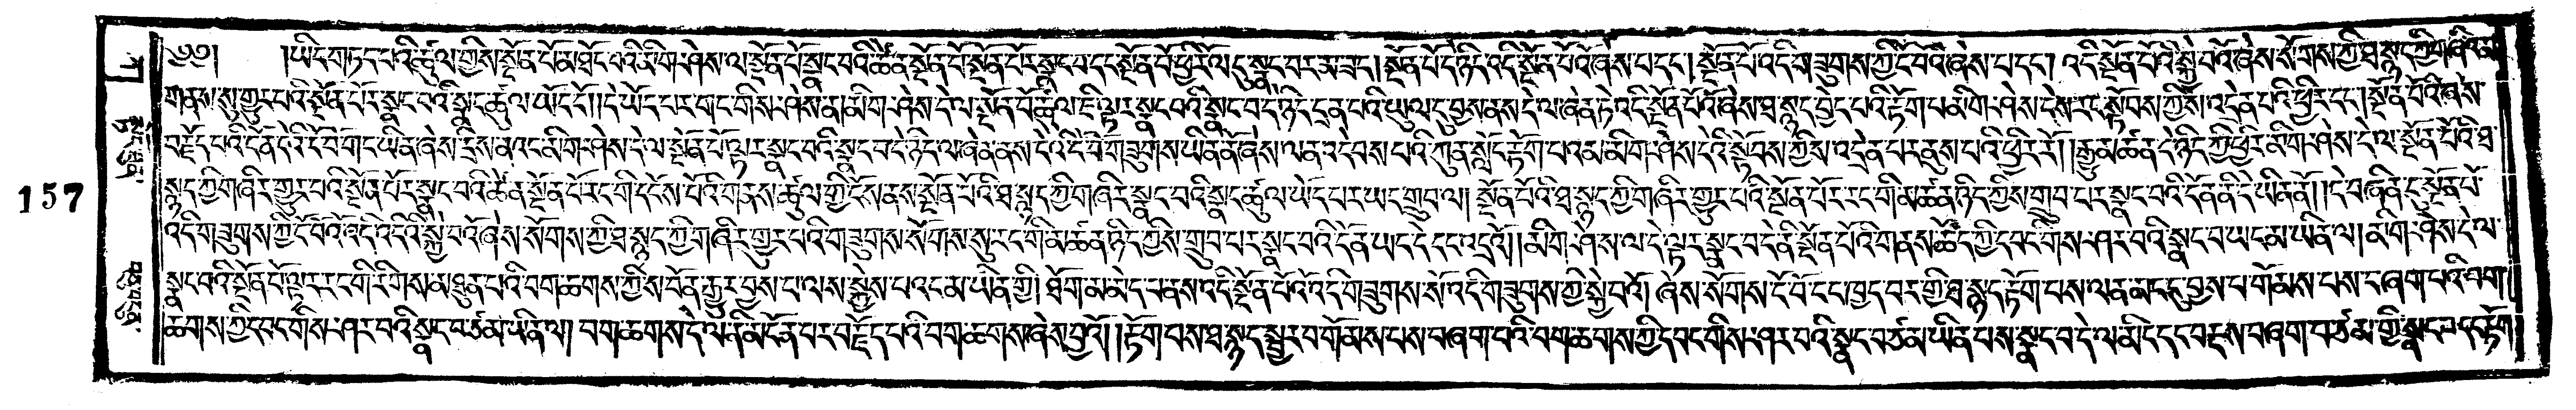༄༅། །ཡིད་གཏད་པའི་ཚུལ་གྱིས་སྔོན་པོ་མཐོང་བའི་མིག་ཤེས་ལ་སྔོན་པོ་སྣང་བའི་ཚོ་ན་སྔོན་པོ་སྔོན་པོར་སྣང་བ་དང་སྔོན་པོ་ཕྱི་རོལ་དུ་སྣང་བར་མ་ཟད། སྔོན་པོ་དེ་ཉིད་འདི་སྔོན་པོའོ་ཞེས་པ་དང་། སྔོན་པོ་འདི་གཟུགས་ཀྱི་ངོ་བོའོ་ཞེས་པ་དང་། འདི་སྔོན་པོའི་སྐྱེ་བའོ་ཞེས་སོགས་ཀྱི་ཐ་སྙད་ཀྱི་གཞིའམ་
གནས་སུ་གྱུར་པའི་སྔོན་པོར་སྣང་བའི་སྣང་ཚུལ་ཡོད་དོ། །དེ་ཡོད་པར་གང་གིས་ཤེས་ན། མིག་ཤེས་དེ་ལ་སྔོན་བོ་ཚུལ་ཇི་ལྟར་སྣང་བའི་སྣང་བ་དེ་ཉིད་དྲན་པའི་ཡུལ་དུ་བྱས་ནས་དེ་ལ་ཞེན་ཏེ་འདི་སྔོན་པོའོ་ཞེས་ཐ་སྙད་བྱེད་པའི་རྟོག་པ་མིག་ཤེས་དེས་རང་སྟོབས་ཀྱིས་འདྲེན་པའི་ཕྱིར་དང་། སྔོན་པོའི་ཞེས་
བརྗོད་པའི་དོན་དེའི་ངོ་བོ་གང་ཡིན་ཞེས་དྲིས་ནའང་མིག་ཤེས་དེ་ལ་སྔོན་པོ་ལྟར་སྣང་བའི་སྣང་བ་དེ་ཉིད་ལ་ཞེན་ནས་དེའི་ངོ་བོ་གཟུགས་ཡིན་ནོ་ཞེས་ལན་འདེབས་པའི་ཀུན་སློང་རྟོག་པའམ་མིག་ཤེས་དེའི་སྟོབས་ཀྱིས་འདྲེན་པར་ནུས་པའི་ཕྱིར་རོ། །རྒྱུ་མཚན་དེ་ཉིད་ཀྱི་ཕྱིར་མིག་ཤེས་དེ་ལ་སྔོན་པོའི་ཐ་
སྙད་ཀྱི་གཞིར་གྱུར་བའི་སྔོན་པོར་སྣང་བའི་ཚོན་སྔོན་པོ་རང་གི་དངོས་པོའི་གནས་ཚུལ་གྱི་ངོས་ནས་སྔོན་པོའི་ཐ་སྙད་ཀྱི་གཞིར་སྣང་བའི་སྣང་ཚུལ་ཡོད་པར་ཡང་གྲུབ་ལ། སྔོན་པོའི་ཐ་སྙད་ཀྱི་གཞིར་གྱུར་པའི་སྔོན་པོར་རང་གི་མཚན་ཉིད་ཀྱིས་གྲུབ་པར་སྣང་བའི་དོན་ནི་དེ་ཡིན་ནོ། །དེ་བཞིན་དུ་སྔོན་པོ་
འདི་གཟུགས་ཀྱི་ངོ་བོའོ་འདི་འདིའི་སྐྱེ་བའོ་ཞེས་སོགས་ཀྱི་ཐ་སྙད་ཀྱི་གཞིར་གྱུར་པའི་གཟུགས་སོགས་སུ་རང་གི་མཚན་ཉིད་ཀྱིས་གྲུབ་པར་སྣང་བའི་དོན་ཡང་དེ་དང་འདྲའོ། །མིག་ཤེས་ལ་དེ་ལྟར་སྣང་བ་དེ་ནི་སྔོན་པོའི་གནས་ཚོད་ཀྱི་དབང་གིས་ཤར་བའི་སྣང་བ་ཡང་མ་ཡིན་ལ། མིག་ཤེས་དེ་ལ་
སྣང་བའི་སྔོན་པོ་ལྟར་རང་གི་རིགས་མཐུན་པའི་བག་ཆགས་ཀྱི་ས་བོན་རྒྱུར་བྱས་པ་ལས་སྐྱེས་པའང་མ་ཡིན་གྱི། ཐོག་མ་མེད་པ་ནས་འདི་སྔོན་པོའོ་འདི་གཟུགས་སོ་འདི་གཟུགས་ཀྱི་སྐྱེ་བའོ། ཞེས་སོགས་ངོ་བོ་དང་ཁྱད་བར་གྱི་ཐ་སྙད་རྟོག་པས་ལན་མང་དུ་བྱས་པ་གོམས་པས་བཞག་པའི་བག་
ཆགས་ཀྱི་དབང་གིས་ཤར་བའི་སྣང་བ་ཙམ་ཡིན་ལ། བག་ཆགས་དེ་ལ་ནི་མངོན་པར་བརྗོད་པའི་བག་ཆགས་ཞེས་བྱའོ། །རྟོག་བས་ཐ་སྙད་སྦྱར་བ་གོམས་པས་བཞག་པའི་བག་ཆགས་ཀྱི་དབང་གིས་ཤར་བའི་སྣང་བ་ཙམ་ཡིན་པས་སྣང་བ་དེ་ལ་མིང་དང་བརྡས་བཞག་བ་ཙམ་གྱི་སྣང་བ་དང་རྟོག་